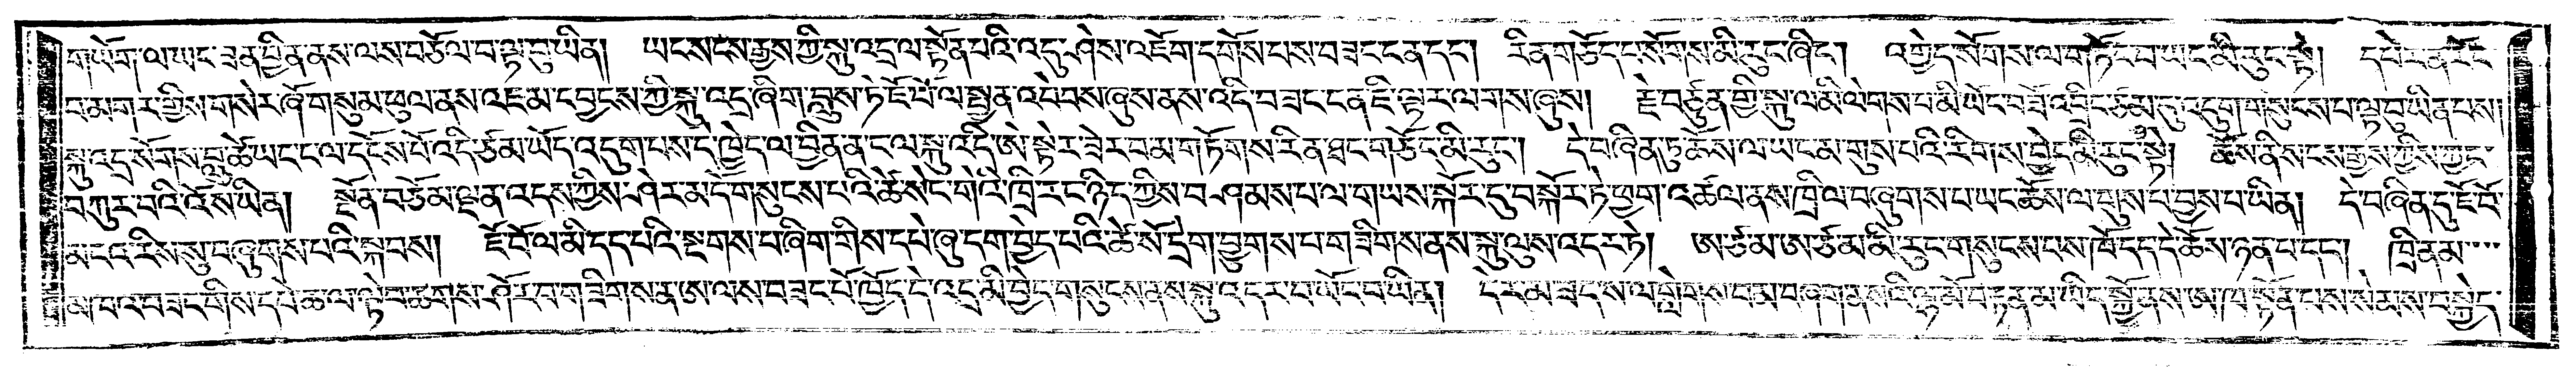གཡོག་ལ་ཡང་ཟན་བྱིན་ནས་ལས་བཅོལ་བ་ལྟ་བུ་ཡིན། ཡང་སངས་རྒྱས་ཀྱི་སྐུ་འདྲ་ལ་སྟོན་པའི་འདུ་ཤེས་འཇོག་དགོས་པས་བཟང་ངན་དང་། རིན་གཅོད་པ་སོགས་མི་རུང་ཞིང་། འགྱེད་སོགས་ལ་གཏོང་བ་ཡང་མི་རུང་སྟེ། དཔེར་ན་རོར་
བ་མགར་གྱིས་གསེར་ཞོ་གསུམ་ཕུལ་ནས་འཇམ་དབྱངས་ཀྱི་སྐུ་འདྲ་ཞིག་བླུས་ཏེ་ཇོ་བོ་ལ་སྤྱན་འབེབས་ཞུས་ནས་འདི་བཟང་ངན་ཇི་ལྟར་ལགས་ཞུས། རྗེ་བཙུན་གྱི་སྐུ་ལ་མི་ལེགས་པ་མི་ཡོང་བཟོ་འབྲིང་ཙམ་དུ་འདུག་གསུངས་པ་ལྟ་བུ་ཡིན་པས།
སྐུ་འདྲ་སོགས་བླུ་ཚེ་ཡང་ང་ལ་དངོས་པོ་འདི་ཙམ་ཡོད་འདུག་པས་དེ་ཁྱེད་ལ་བྱིན་ན་ང་ལ་སྐུ་འདི་ཨེ་སྟེར་ཟེར་བ་མ་གཏོགས་རིན་ཐང་གཅོད་མི་རུང་། དེ་བཞིན་ཏུ་ཆོས་ལ་ཡང་མ་གུས་པའི་རིགས་བྱེད་མི་རུང་སྟེ། ཆོས་ནི་སངས་རྒྱས་ཀྱིས་ཀྱང་
བཀུར་བའི་འོས་ཡིན། སྔོན་བཅོམ་ལྡན་འདས་ཀྱིས་ཤེར་མདོ་གསུངས་པའི་ཚེ་སེང་གེའི་ཁྲི་རང་ཉིད་ཀྱིས་བཤམས་པ་ལ་གཡས་སྐོར་དུ་བསྐོར་ཏེ་ཕྱག་འཚལ་ནས་ཁྲི་ལ་བཞུགས་པ་ཡང་ཆོས་ལ་གུས་པ་བྱས་པ་ཡིན། དེ་བཞིན་དུ་ཇོ་བོ་
མངའ་རིས་སུ་བཞུགས་པའི་སྐབས། ཇོ་བོ་ལ་མི་དད་པའི་སྔགས་པ་ཞིག་གིས་དཔེ་ཞུ་དག་བྱེད་པའི་ཚེ་སོ་དྲེག་བྱུགས་པ་གཟིགས་ནས་སྐུ་ལུས་འདར་ཏེ། ཨ་ཙམ་ཨ་ཙམ་མི་རུང་གསུངས་པས་ཁོ་དད་དེ་ཆོས་ཉན་པ་དང་། ཁྲི་ནམ་
མཁའ་བཟང་གིས་དཔེ་ཆ་ལ་ལྟེ་བ་ཆགས་ཤོ་རབ་གཟིགས་ནས་ཨ་ལས་བཟང་པོ་ཁྱོད་དེ་འདྲ་མི་བྱེད་གསུངས་ནས་སྐུ་འདྲ་བ་ཡོང་བ་ཡིན། དེར་མ་ཟད་ས་ལ་གླེགས་བམ་བཞག་ན་སའི་ལྷ་མོ་བརྟན་མ་ཡིད་སྐྱོ་ནས་ཨ་ཁ་སྟོན་པས་སེམས་བསྐྱེད་